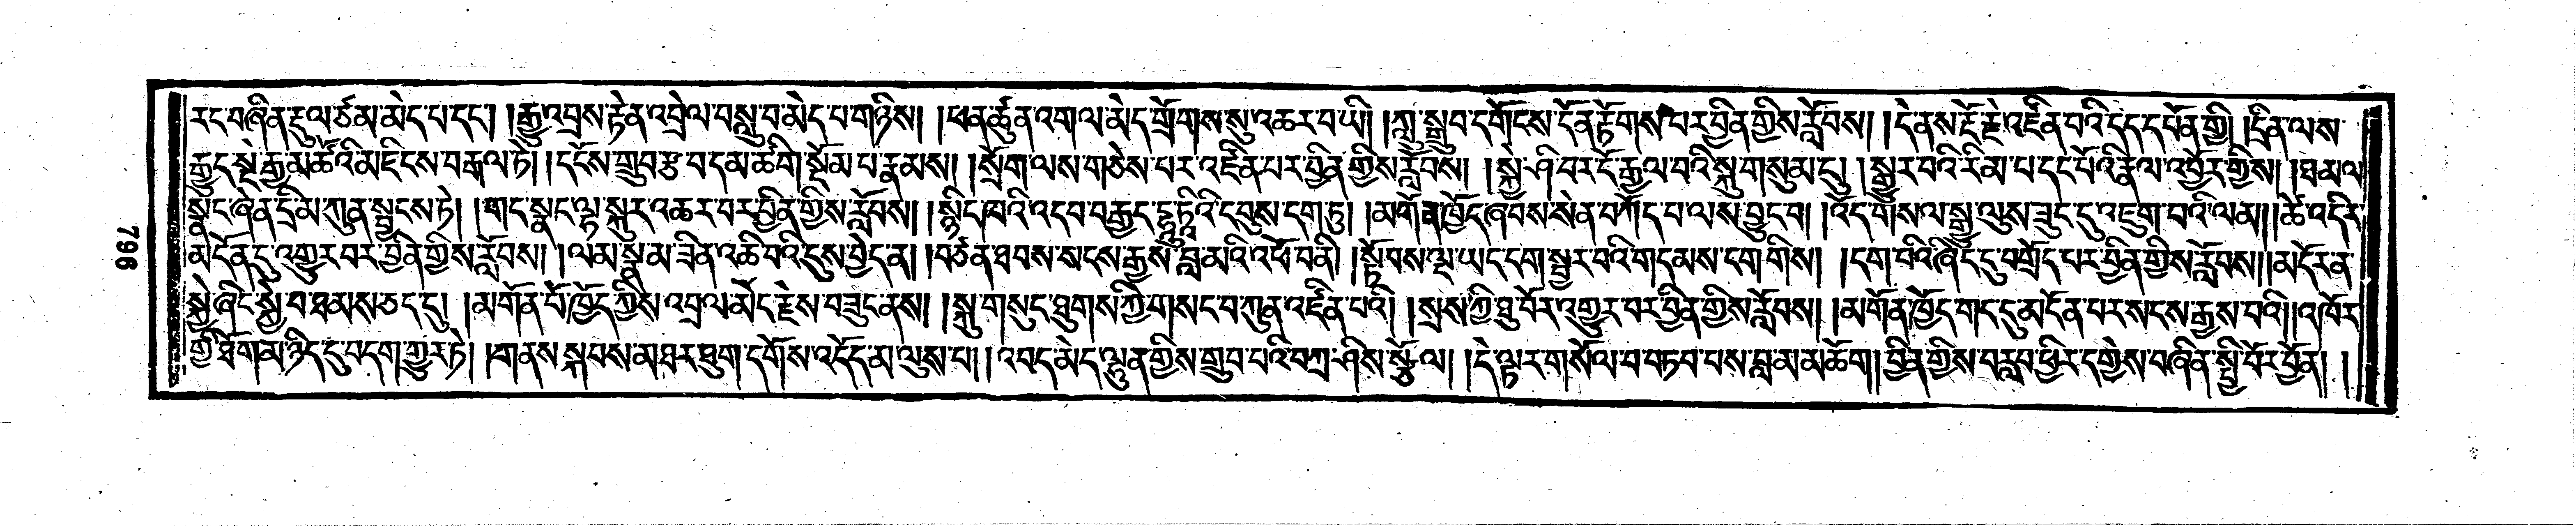རང་བཞིན་རྡུལ་ཙམ་མེད་པ་དང་། །རྒྱུ་འབྲས་རྟེན་འབྲེལ་བསླུ་བ་མེད་པ་གཉིས། །ཕན་ཚུན་འགལ་མེད་གྲོགས་སུ་འཆར་བ་ཡི། །ཀླུ་སྒྲུབ་དགོངས་དོན་རྟོགས་པར་བྱིན་གྱིས་རློབས། །དེ་ནས་རྡོ་རྗེ་འཛིན་པའི་དེད་དཔོན་གྱི། །དྲིན་ལས་
རྒྱུད་སྡེ་རྒྱ་མཚོའི་མཇིངས་བརྒལ་ཏེ། །དངོས་གྲུབ་རྩ་བ་དམ་ཚིག་སྡོམ་པ་རྣམས། །སྲོག་ལས་གཅེས་པར་འཛིན་པར་བྱིན་གྱིས་རློབས། །སྐྱེ་ཤི་བར་དོ་རྒྱལ་བའི་སྐུ་གསུམ་དུ། །སྒྱུར་བའི་རིམ་པ་དང་པོའི་རྣལ་འབྱོར་གྱིས། །ཐ་མལ་
སྣང་ཞེན་དྲི་མ་ཀུན་སྦྱངས་ཏེ། །གང་སྣང་ལྷ་སྐུར་འཆར་བར་བྱིན་གྱིས་རློབས། །སྙིང་ཁའི་འདབ་བརྒྱད་དྷཱུ་ཏཱིའི་དབུས་དག་ཏུ། །མགོན་ཁྱོད་ཞབས་སེན་བཀོད་པ་ལས་བྱུང་བ། །འོད་གསལ་སྒྱུ་ལུས་ཟུང་དུ་འཇུག་པའི་ལམ། །ཚེ་འདིར་
མངོན་དུ་འགྱུར་བར་བྱིན་གྱིས་རློབས། །ལམ་སྣ་མ་ཟིན་འཆི་བའི་དུས་བྱེད་ན། །བཙན་ཐབས་སངས་རྒྱས་བླ་མའི་འཕོ་བ་ནི། །སྟོབས་ལྔ་ཡང་དག་སྦྱར་བའི་གདམས་ངག་གིས། །དག་པའི་ཞིང་དུ་བགྲོད་པར་བྱིན་གྱིས་རློབས། །མདོར་ན་
སྐྱེ་ཞིང་སྐྱེ་བ་ཐམས་ཅད་དུ། །མགོན་པོ་ཁྱོད་ཀྱིས་འབྲལ་མེད་རྗེས་བཟུང་ནས། །སྐུ་གསུང་ཐུགས་ཀྱི་གསང་བ་ཀུན་འཛིན་པའི། །སྲས་ཀྱི་ཐུ་བོར་འགྱུར་བར་བྱིན་གྱིས་རློབས། །མགོན་ཁྱོད་གང་དུ་མངོན་པར་སངས་རྒྱས་པའི། །འཁོར་
གྱི་ཐོག་མ་ཉིད་དུ་བདག་གྱུར་ཏེ། །གནས་སྐབས་མཐར་ཐུག་དགོས་འདོད་མ་ལུས་པ། །འབད་མེད་ལྷུན་གྱིས་གྲུབ་པའི་བཀྲ་ཤིས་སྩོལ། །དེ་ལྟར་གསོལ་བ་བཏབ་པས་བླ་མ་མཆོག །བྱིན་གྱིས་བརླབ་ཕྱིར་དགྱེས་བཞིན་སྤྱི་བོར་བྱོན། །